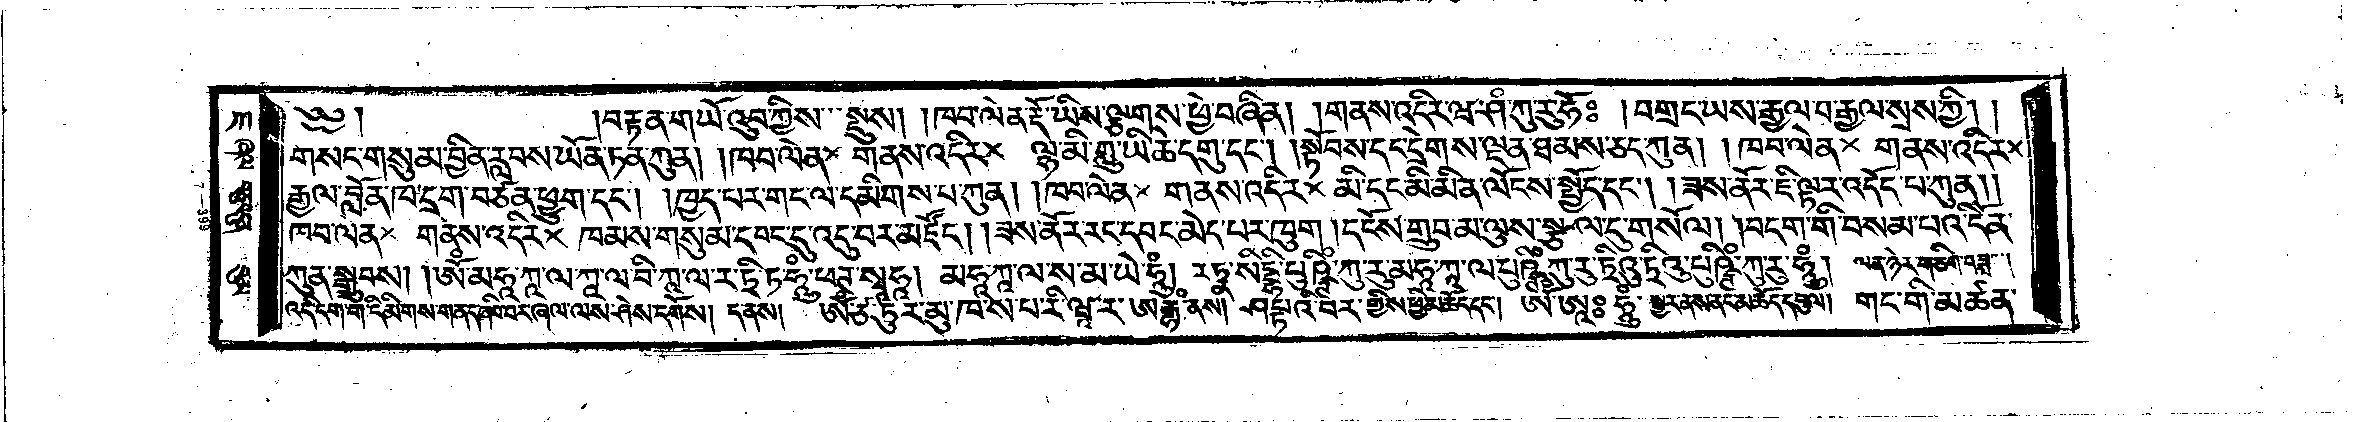༄༅། །བརྟན་གཡོ་འུབ་ཀྱིས་སྡུས། །ཁབ་ལེན་རྡོ་ཡིས་ལྕགས་ཕྱེ་བཞིན། །གནས་འདིར་ཝ་ཤཾ་ཀུ་རུ་ཧོཿ །བགྲང་ཡས་རྒྱལ་བ་རྒྱལ་སྲས་ཀྱི། །
གསང་གསུམ་བྱིན་རླབས་ཡོན་ཏན་ཀུན། །ཁབ་ལེན་྾་གནས་འདིར་྾་ལྷ་མི་ཀླུ་ཡི་ཆ་དགུ་དང་། །སྟོབས་དང་དྲེགས་ལྡན་ཐམས་ཅད་ཀུན། །ཁབ་ལེན་྾་གནས་འདིར་྾་
རྒྱལ་བློན་ཁ་དྲག་བཙན་ཕྱུག་དང་། །ཁྱད་པར་གང་ལ་དམིགས་པ་ཀུན། །ཁབ་ལེན་྾་གནས་འདིར་྾་མི་དང་མི་མིན་ལོངས་སྤྱོད་དང་། །ཟས་ནོར་ཇི་ལྟར་འདོད་པ་ཀུན། །
ཁབ་ལེན་྾་གནས་འདིར་྾་ཁམས་གསུམ་དབང་དུ་འདུ་བར་མཛོད། །ཟས་ནོར་རང་དབང་མེད་པར་ཁུག །དངོས་གྲུབ་མ་ལུས་སྩལ་དུ་གསོལ། །བདག་གི་བསམ་པའི་དོན་
ཀུན་སྒྲུབས། །ཨོཾ་མཧཱ་ཀཱ་ལ་ཀཱ་ལ་བི་ཀཱ་ལ་ར་ཏྲི་ཏ་ཧཱུཾ་ཕཊ་སྭཱཧཱ། མཧཱ་ཀཱ་ལ་ས་མ་ཡེ་ཧཱུཾ། རཏྣ་སིདྡྷི་པུ་ཥྚིཾ་ཀུ་རུ་མཧཱ་ཀཱ་ལ་པུཥྚིཾ་ཀུ་རུ་ཏྲིའུ་ཏྲཱུ་པུཥྚིཾ་ཀུ་རུ་ཧཱུཾ། ལན་ཉེར་གཅིག་བཟླ།
འདི་དག་ག་དམིགས་གནད་ཞིབ་པར་ཞལ་ལས་ཤེས་དགོས། དེ་ནས། ཨོཾ་ཙ་ཧུ་ར་མུ་ཁ་ས་པ་རི་ཝཱ་ར་ཨརྒྷཾ་ནས། ཤཔྟའི་བར་གྱིས་ཕྱི་མཆོད་དང་། ཨོཾ་ཨཱཿཧཱུཾ་སྦྱར་ནས་ནང་མཆོད་དབུལ།  གང་གི་མཚན་